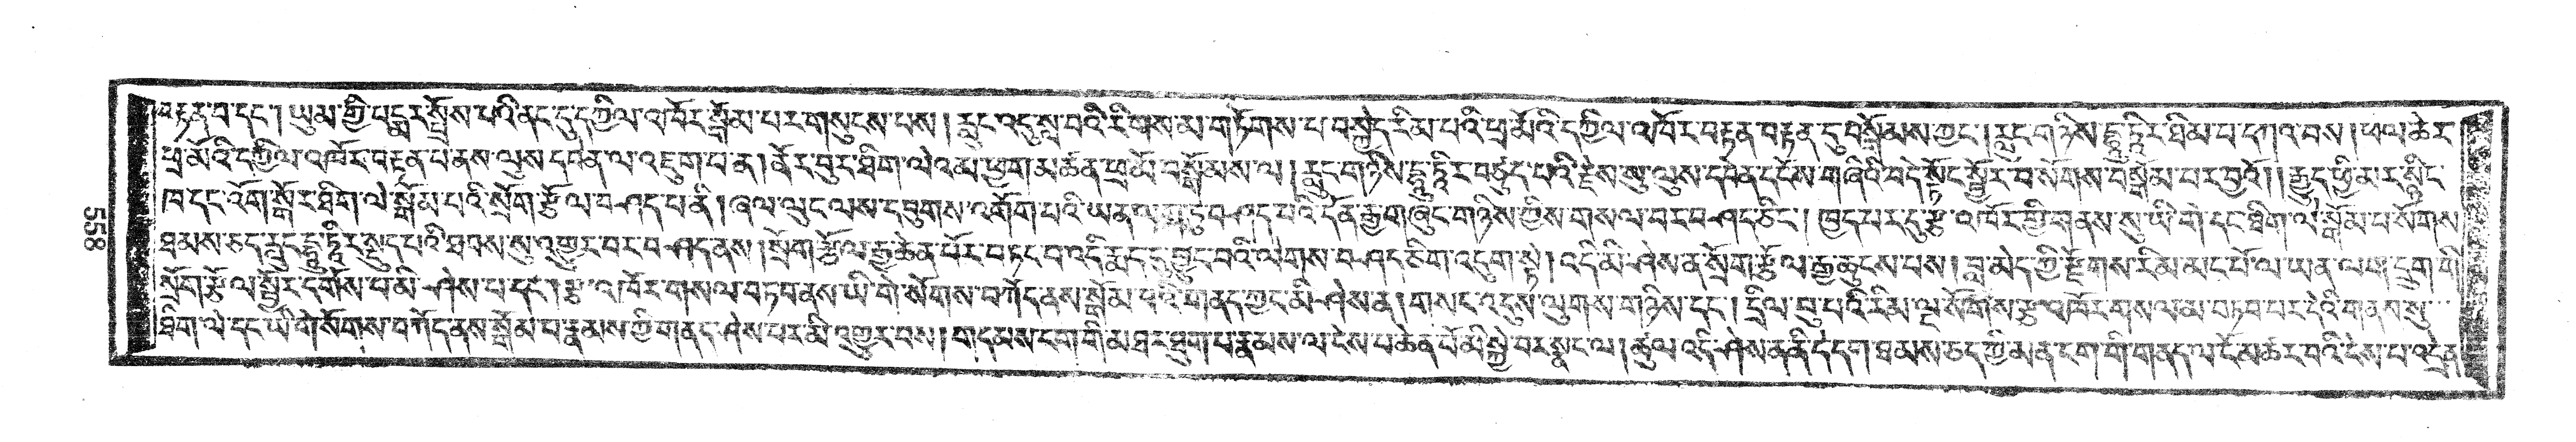བརྟན་པ་དང་། ཡུམ་གྱི་པདམར་སྤྲོས་པའི་ནང་དུ་དཀྱིལ་འཁོར་སྒོམ་པར་གསུངས་པས། རླུང་འདུ་སླ་བའི་རིགས་མ་གཏོགས་པ་བསྐྱེད་རིམ་པའི་ཕྲ་མོའི་དཀྱིལ་འཁོར་བརྟན་བརྟན་དུ་བསྒོམས་ཀྱང་། རླུང་གཉིས་དྷཱུ་ཏཱིར་ཐིམ་པ་དཀའ་བས། ཕལ་ཆེར་
ཕྲ་མོའི་དཀྱིལ་འཁོར་བརྟན་པ་ནས་ལུས་དབེན་ལ་འཇུག་པ་ན། ནོར་བུར་ཐིག་ལེའམ་ཕྱག་མཚན་ཕྲ་མོ་བསྒོམས་ལ། རླུང་གཉིས་དྷཱུ་ཏཱིར་བཙུད་པའི་རྗེས་སུ་ལུས་དབེན་དངོས་གཞིའི་བདེ་སྟོང་སྦྱོར་བ་སོགས་བསྒོམ་པར་བྱའོ། །རྒྱུད་ཕྱི་མར་སྙིང་
ཁ་དང་འོག་སྒོར་ཐིག་ལེ་སྒོམ་པའི་སྲོག་རྩོལ་བཤད་པ་ནི། ཞལ་ལུང་ལས་དབུགས་འགོག་པའི་ཡན་ལག་ཏུ་བཤད་པའི་དོན་རྒྱ་གཞུང་གཉིས་ཀྱིས་གསལ་བར་བཤད་ཅིང་། ཁྱད་པར་དུ་རྩ་འཁོར་གྱི་གནས་སུ་ཡི་གེ་དང་ཐིག་ལེ་སྒོམ་པ་སོགས་
ཐམས་ཅད་རླུང་དྷཱུ་ཏཱིར་སྡུད་པའི་ཐབས་སུ་འགྱུར་བར་བཤད་ནས། སྲོག་རྩོལ་རྒྱ་ཆེན་པོར་བཏང་བ་འདི་རྨད་དུ་བྱུང་བའི་ལེགས་བཤད་ཅིག་འདུག་སྟེ། འདི་མི་ཤེས་ན་སྲོག་རྩོལ་རྒྱ་ཆུངས་པས། བླ་མེད་ཀྱི་རྫོགས་རིམ་མང་པོ་ལ་ཡ་ལག་དྲུག་གི་
སྲོག་རྩོལ་སྦྱོར་དགོས་པ་མི་ཤེས་པ་དང་། རྩ་འཁོར་གསལ་བཏབ་ནས་ཡི་གེ་སོགས་བཀོད་ནས་སྒོམ་པའི་གནད་ཀྱང་མི་ཤེས་ན། གསང་འདུས་ལུགས་གཉིས་དང་། དྲིལ་བུ་པའི་རིམ་ལྔ་སོགས་རྩ་འཁོར་གསལ་མ་བཏབ་པར་དེའི་གནས་སུ་
ཐིག་ལེ་དང་ཡི་གེ་སོགས་བཀོད་ནས་སྒོམ་པ་རྣམས་ཀྱི་གནད་ཤེས་པར་འགྱུར་བས། གདམས་ངག་གི་མཐར་ཐུག་པ་རྣམས་ལ་ངེས་པ་ཆེན་པོ་མི་སྐྱེ་བར་སྣང་ལ། ཚུལ་འདི་ཤེས་ན་ནི་དེ་དག་ཐམས་ཅད་ཀྱི་མན་ངག་གི་གནད་ལ་ངོ་མཚར་བའི་ངེས་པ་འདྲེན་